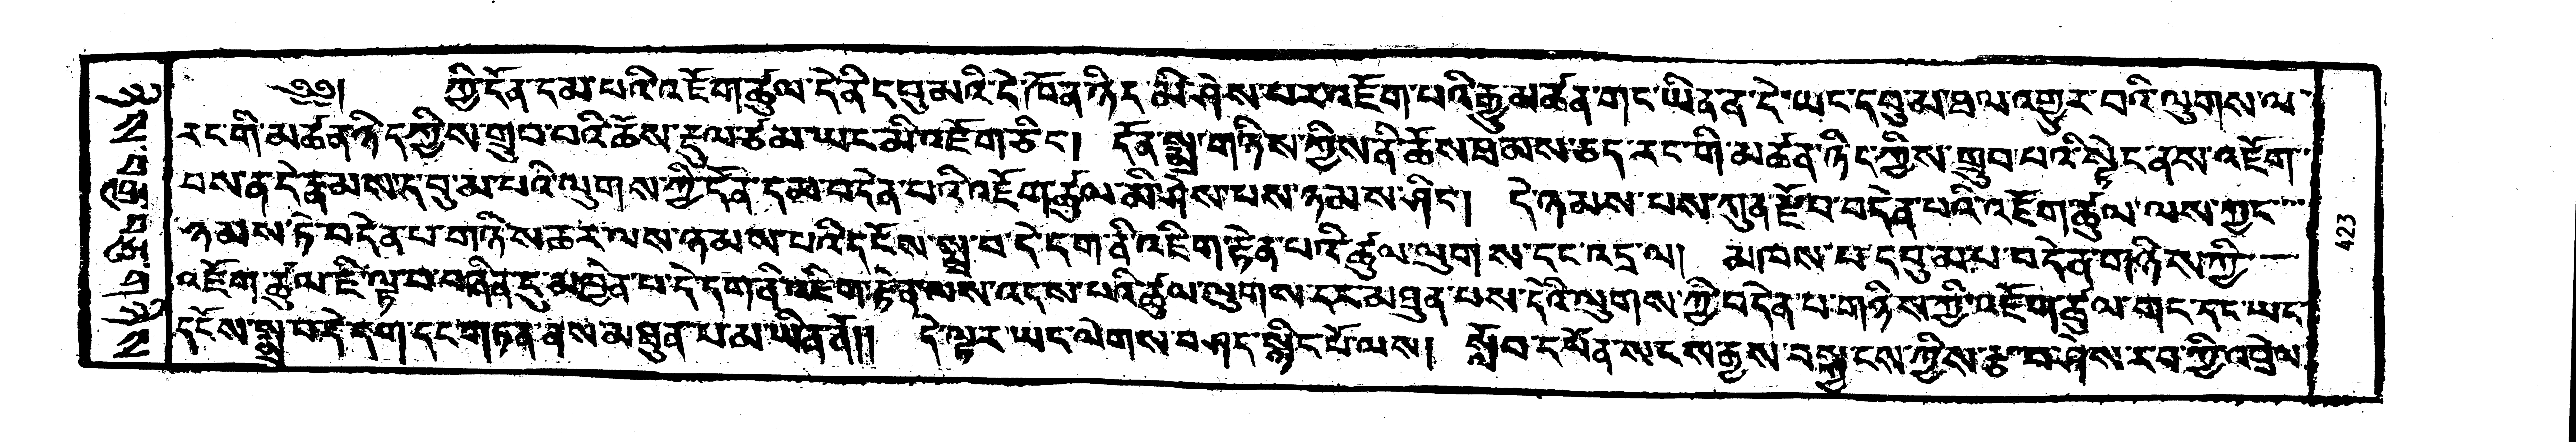༄༅། །ཀྱི་དོན་དམ་པའི་འཇོག་ཚུལ་དེ་ནི་དབུ་མའི་དེ་ཁོ་ན་ཉིད་མི་ཤེས་པར་འཇོག་པའི་རྒྱུ་མཚན་གང་ཡིན་ན་དེ་ཡང་དབུ་མ་ཐལ་འགྱུར་བའི་ལུགས་ལ་
རང་གི་མཚན་ཉིད་ཀྱིས་གྲུབ་པའི་ཆོས་རྡུལ་ཙམ་ཡང་མི་འཇོག་ཅིང་། དོན་སྨྲ་གཉིས་ཀྱིས་ནི་ཆོས་ཐམས་ཅད་རང་གི་མཚན་ཉིད་ཀྱིས་གྲུབ་པའི་སྟེང་ནས་འཇོག་
པས་ན་དེ་རྣམས་དབུ་མ་པའི་ལུགས་ཀྱི་དོན་དམ་བདེན་པའི་འཇོག་ཚུལ་མི་ཤེས་པས་ཉམས་ཤིང་། དེ་ཉམས་པས་ཀུན་རྫོབ་བདེན་པའི་འཇོག་ཚུལ་ལས་ཀྱང་
ཉམས་ཏེ་བདེན་པ་གཉིས་ཆར་ལས་ཉམས་པའི་དངོས་སྨྲ་བ་དེ་དག་ནི་འཇིག་རྟེན་པའི་ཚུལ་ལུགས་དང་འདྲ་ལ། མཁས་པ་དབུ་མ་པ་བདེན་གཉིས་ཀྱི་
འཇོག་ཚུལ་ཇི་ལྟ་བ་བཞིན་དུ་མཁྱེན་པ་དེ་དག་ནི་འཇིག་རྟེན་ལས་འདས་པའི་ཚུལ་ལུགས་དང་མཐུན་པས་དེའི་ལུགས་ཀྱི་བདེན་པ་གཉིས་ཀྱི་འཇོག་ཚུལ་གང་དང་ཡང་
དངོས་སྨྲ་བ་དེ་དག་དང་གཏན་ནས་མཐུན་པ་མ་ཡིན་ནོ། །དེ་ལྟར་ཡང་ལེགས་བཤད་སྙིང་པོ་ལས། སློབ་དཔོན་སངས་རྒྱས་བསྐྱངས་ཀྱིས་རྩ་བ་ཤེས་རབ་ཀྱི་འབྲེལ་